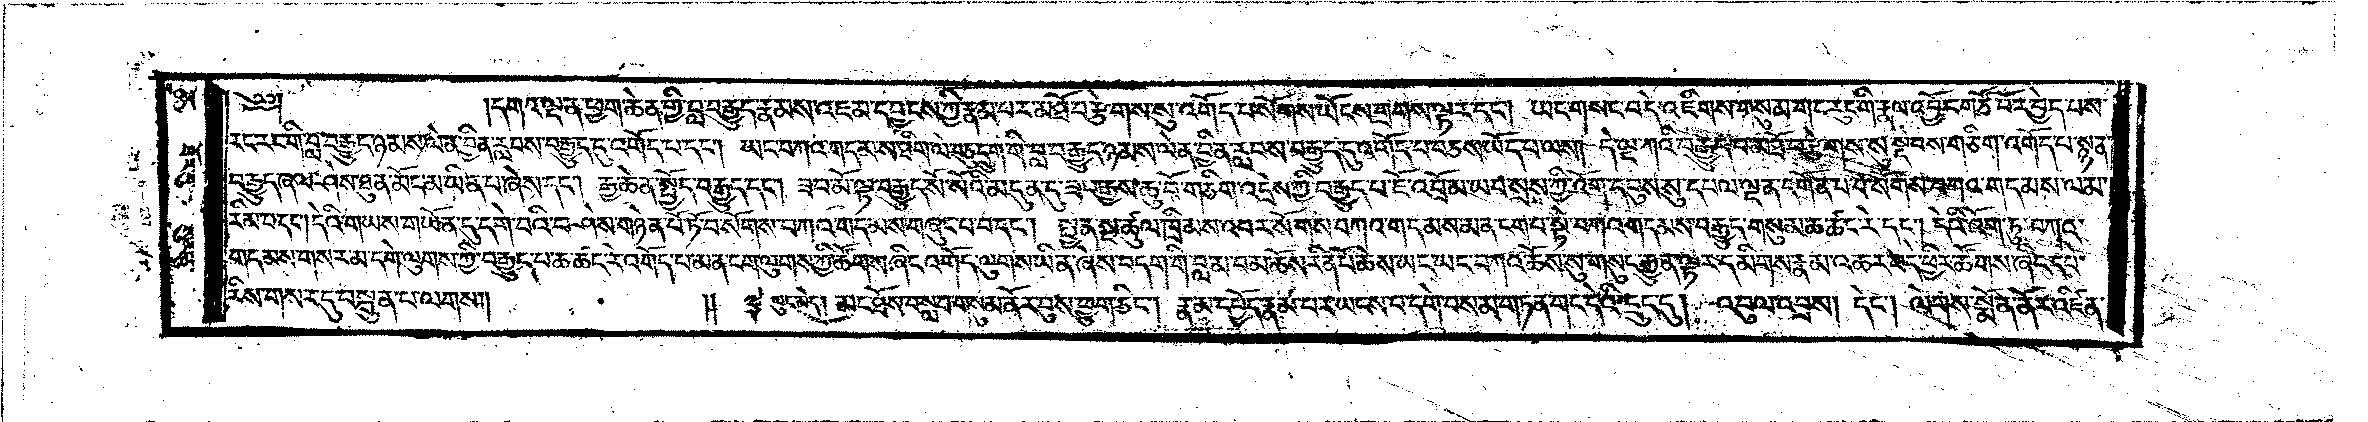༄༅། །དགའ་ལྡན་ཕྱག་ཆེན་གྱི་བླ་བརྒྱུད་རྣམས་འཇམ་དབྱངས་ཀྱི་རྣམ་པར་མཐོ་བརྩེགས་སུ་འགོད་པ་སོགས་ཡོངས་གྲགས་ལྟར་དང་། ཡང་གསང་བདེ་འཇིགས་གསུམ་གང་རུང་གི་རྣལ་འབྱོར་གཙོ་བོར་བྱེད་པས་
རང་རང་གི་བླ་བརྒྱུད་ཉམས་ལེན་བྱིན་རླབས་བརྒྱུད་དུ་འགོད་པ་དང་། ཡང་བཀའ་གདམས་ཐིག་ལེ་བཅུ་དྲུག་གི་བླ་བརྒྱུད་ཉམས་ལེན་བྱིན་རླབས་བརྒྱུད་དུ་འགོད་པ་བཅས་ཡོད་པ་ལས། དེ་ལྔ་ཀའི་བརྒྱུད་བ་མཐོ་བརྩེགས་སུ་སྡབས་གཅིག་འགོད་པ་སྙན་
བརྒྱུད་ཞལ་ཤེས་ཐུན་མོང་མ་ཡིན་པ་ཞེས་དང་། རྒྱ་ཆེན་སྤྱོད་བརྒྱུད་དང་། ཟབ་མོ་ལྟ་བརྒྱུད་སོ་སོའི་མདུན་དུ་ཟབ་རྒྱས་ཆུ་བོ་གཅིག་འདྲེས་ཀྱི་བརྒྱུད་པ་ཇོ་འབྲོམ་ཡབ་སྲས་ཀྱི་འོག་དབུས་སུ་དཔལ་ལྡན་དགོན་པ་བ་སོགས་བཀའ་གདམས་ལམ་
རིམ་པ་དང་། དེའི་གཡས་གཡོན་དུ་དགེ་བའི་བཤེས་གཉེན་པོ་ཏོ་པ་སོགས་བཀའ་གདམས་གཞུང་པ་བ་དང་། སྤྱན་སྔ་ཚུལ་ཁྲིམས་འབར་སོགས་བཀའ་གདམས་མན་ངག་བ་སྟེ་བཀའ་གདམས་བརྒྱུད་གསུམ་ཆ་ཚང་རེ་དང་། དེའི་འོག་ཏུ་བཀའ་
གདམས་གསར་མ་དགེ་ལུགས་ཀྱི་བརྒྱུད་པ་ཆ་ཚང་རེ་འགོད་པ་མན་ངག་ལུགས་ཀྱི་ཚོགས་ཞིང་འགོད་ལུགས་ཡིན་ཞེས་བདག་གི་བླ་མ་བ་མ་ཆོས་རིན་པོ་ཆེས་ཡང་ཡང་བཀའ་ཆོས་སུ་གསུང་རྒྱུན་ལྟར་དམིགས་རྣམ་འཆར་བདེ་ཕྱིར་ཚོགས་ཞིང་དཔེ་
རིས་གསར་དུ་བསྐྲུན་པ་ལགས།། །། ༈ མང་ཐོས་བསླབ་གསུམ་ནོར་བུས་ཕྱུག་ཅིང་། ལུང་མེད།  རྣམ་དཔྱོད་རྣམ་པར་ཡངས་བ་དགེ་བསམ་གཏན་གང་དེའི་དྲུང་དུ། འབུལ་འབྲས། དེང་ལེགས་སྨོན་ནོར་འཛིན་